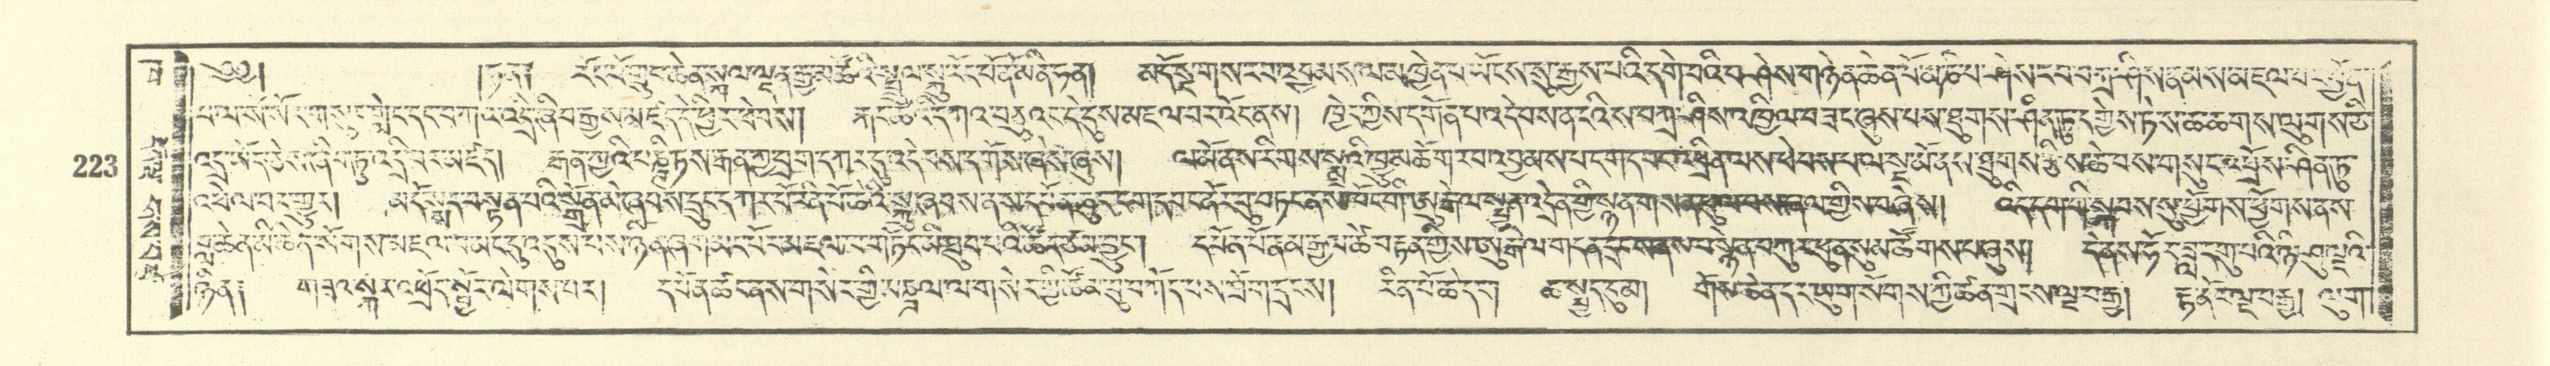༄༅། །ཧན༑ རོང་པོ་གྲུབ་ཆེན་སྐལ་ལྡན་རྒྱ་མཚོའི་སྤྲུལ་སྐུ་རོང་པོ་ནོ་མིན་ཧན། མདོ་སྔགས་རབ་འབྱམས་ལ་མཁྱེན་པ་ཡོངས་སུ་རྒྱས་པའི་དགེ་བའི་བཤེས་གཉེན་ཆེན་པོ་མ་ཎི་པ་ཤེས་རབ་བཀྲ་ཤིས་རྣམས་མཇལ་བར་བྱོན་
པ་ལ་སོ་སོར་གསུང་གླེང་དང་བཀའ་འདྲི་ཞིབ་རྒྱས་མཛད་དེ་ཕྱིར་ཕེབས། རྐང་ཚའི་དཀའ་བཅུའང་དེ་དུས་མཇལ་བར་འོང་ནས། ཁྱེད་ཀྱིས་དགོན་པ་འདེབས་ན་ངའི་ས་བཀྲ་ཤིས་འཁྱིལ་བཟང་ཞུས་པས་ཐུགས་ཤིན་ཏུ་དགྱེས་ཏེ་ས་ཆ་ཆགས་ལུགས་ཅི་
འདྲ་ཡོད་ཅེས་ཞིབ་ཏུ་འདྲི་བར་མཛད། རྒན་ཀྱའི་པཎྚི་ཏ་ས་རྒན་ཀྱ་བྲག་དཀར་དུ་འདེབས་དགོས་ཞེས་ཞུས། ལ་མོ་ནས་རིགས་སྨྲའི་ཁྱུ་མཆོག་རབ་འབྱམས་པ་ངག་དབང་འཕྲིན་ལས་ཕེབས་པ་ལ་སྔ་མོ་ནས་ཐུགས་རྩིས་ཆེ་བས་གསུང་འཕྲོས་ཤིན་ཏུ་
འཕེལ་བར་གྱུར། མདོ་སྨད་བསྟན་པའི་སྒྲོན་མེ་ཞབས་དྲུང་དཀར་པོ་རིན་པོ་ཆེའི་སྐུ་ཞབས་ནས་དཔོན་ཆུང་ངག་དབང་ནོར་བུ་བཏང་ནས་ཁོང་གི་ཨུརྒེ་ལ་སྤྱན་འདྲེན་གྱི་སྙན་གསན་ཕུལ་བས་ཞལ་གྱིས་བཞེས། འདི་དག་གི་སྐབས་སུ་ཕྱོགས་ཕྱོགས་ནས་
བླ་ཆེན་མི་ཆེན་སོགས་མཇལ་བ་མང་དུ་འདུས་པས་ཉིན་ཞག་མང་པོར་མཇལ་ཁ་གཏོང་མི་ཐུབ་པའི་ཚོད་ཙམ་བྱུང་། དཔོན་པོ་རྣམ་རྒྱལ་ཚེ་བརྟན་གྱིས་ཨུརྒེ་ལ་གདན་དྲངས་ནས་བསྙེན་བཀུར་ཕུན་སུམ་ཚོགས་པ་ཞུས། དེ་ནས་ཧོར་ཟླ་དགུ་པའི་ཉི་ཤུ་ལྔའི་
ཉིན༑ གཟའ་སྐར་འཕྲོད་སྤྱོར་ལེགས་པར། དཔོན་ཚང་ནས་གསེར་གྱི་མཎྜལ་ལ་གསེར་གྱི་ཚོམ་བུ་བཀོད་པས་ཐོག་དྲངས། རིན་པོ་ཆེ་དང་། ཆ་སྤྱད་དུ་མ། གོས་ཆེན་དར་ཡུག་སོགས་ཀྱི་ཚན་གྲངས་ལྔ་བརྒྱ། རྟ་ནོར་ལྔ་བརྒྱ། ལུག་